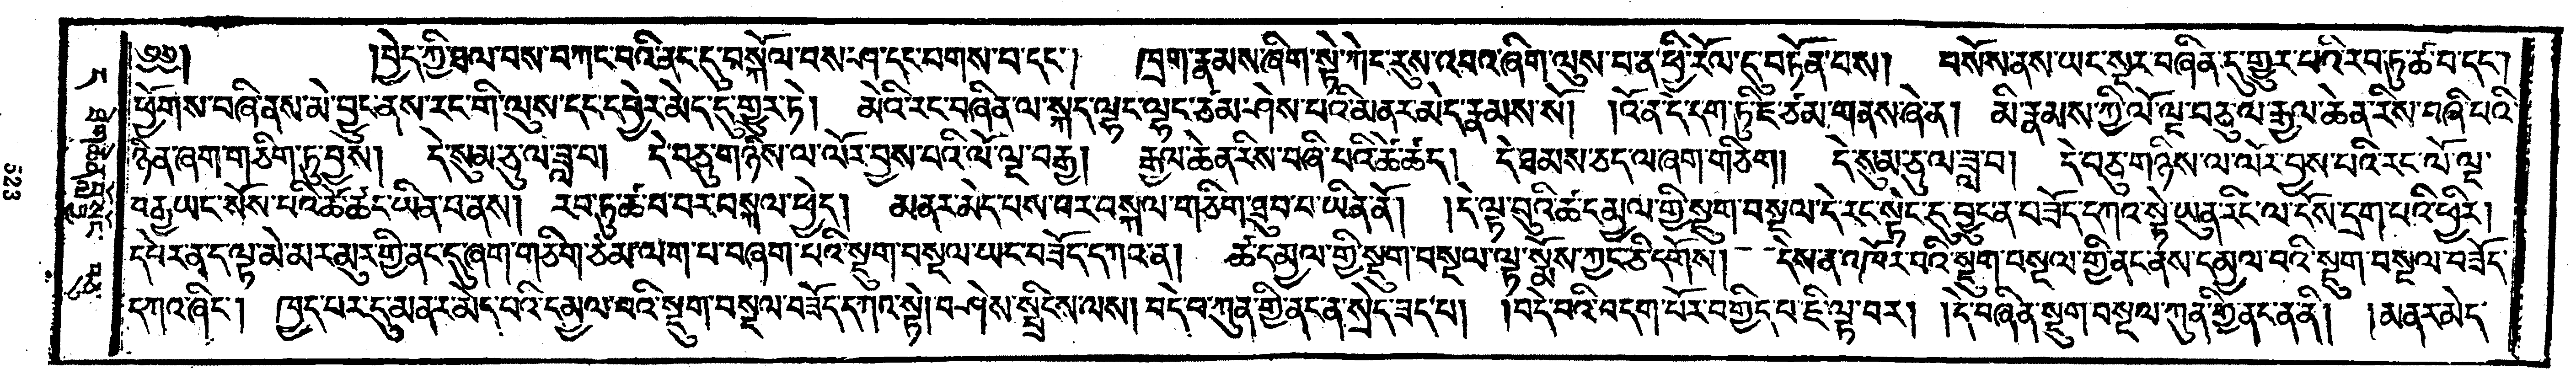༄༅། །བྱེད་ཀྱི་ཐལ་བས་བཀང་བའི་ནང་དུ་བསྐོལ་བས་ཤ་དང་པགས་པ་དང་། ཁྲག་རྣམས་ཞིག་སྟེ་ཀེང་རུས་འབའ་ཞིག་ལུས་པ་ན་ཕྱི་རོལ་དུ་བཏོན་པས། བསོས་ནས་ཡང་སྔར་བཞིན་དུ་གྱུར་པའི་རབ་ཏུ་ཚ་བ་དང་།
ཕྱོགས་བཞི་ནས་མེ་བྱུང་ནས་རང་གི་ལུས་དང་དབྱེར་མེད་དུ་གྱུར་ཏེ། མེའི་རང་བཞིན་ལ་སྐད་ལྷང་ལྷང་ཙམ་ཤེས་པའི་མནར་མེད་རྣམས་སོ། །འོ་ན་དེ་དག་ཏུ་ཇི་ཙམ་གནས་ཞེ་ན། མི་རྣམས་ཀྱི་ལོ་ལྔ་བཅུ་ལ་རྒྱལ་ཆེན་རིས་བཞི་པའི་
ཉིན་ཞག་གཅིག་ཏུ་བྱས། དེ་སུམ་ཅུ་ལ་ཟླ་བ། དེ་བཅུ་གཉིས་ལ་ལོར་བྱས་པའི་ལོ་ལྔ་བརྒྱ། རྒྱལ་ཆེན་རིས་བཞི་པའི་ཚེ་ཚད། དེ་ཐམས་ཅད་ལ་ཞག་གཅིག། དེ་སུམ་ཅུ་ལ་ཟླ་བ། དེ་བཅུ་གཉིས་ལ་ལོར་བྱས་པའི་རང་ལོ་ལྔ་
བརྒྱ་ཡང་སོས་པའི་ཚེ་ཚང་ཡིན་པ་ནས། རབ་ཏུ་ཚ་བ་བར་བསྐལ་ཕྱེད། མནར་མེད་པས་བར་བསྐལ་གཅིག་ཐུབ་པ་ཡིན་ནོ། །དེ་ལྟ་བུའི་ཚ་དམྱལ་གྱི་སྡུག་བསྔལ་དེ་རང་སྟེང་དུ་བྱུང་ན་བཟོད་དཀའ་སྟེ་ཡུན་རིང་ལ་ངོས་དྲག་པའི་ཕྱིར།
དཔེར་ན་ད་ལྟ་མེ་མར་མུར་གྱི་ནང་དུ་ཞག་གཅིག་ཙམ་ལག་པ་བཞག་པའི་སྡུག་བསྔལ་ཡང་བཟོད་དཀའ་ན། ཚ་དམྱལ་གྱི་སྡུག་བསྔལ་ལྟ་སྨོས་ཀྱང་ཅི་དོགས། དེས་ན་འཁོར་བའི་སྡུག་བསྔལ་གྱི་ནང་ནས་དམྱལ་བའི་སྡུག་བསྔལ་བཟོད་
དཀའ་ཞིང་། ཁྱད་པར་དུ་མནར་མེད་པའི་དམྱལ་བའི་སྡུག་བསྔལ་བཟོད་དཀའ་སྟེ། བཤེས་སྤྲིངས་ལས། བདེ་བ་ཀུན་གྱི་ནང་ན་སྲེད་ཟད་པ། །བདེ་བའི་བདག་པོར་བགྱིད་པ་ཇི་ལྟ་བར། །དེ་བཞིན་སྡུག་བསྔལ་ཀུན་གྱི་ནང་ན་ནི། །མནར་མེད་